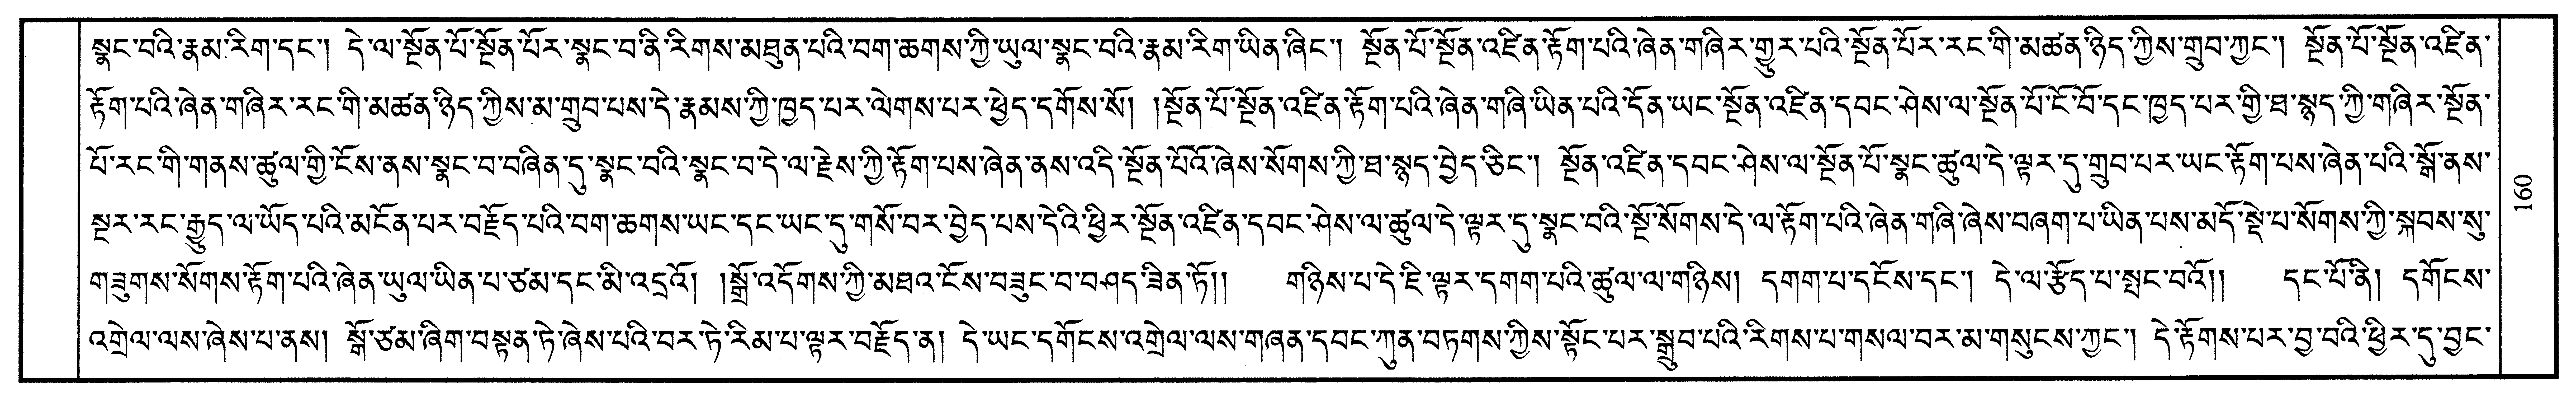སྣང་བའི་རྣམ་རིག་དང་། དེ་ལ་སྔོན་པོ་སྔོན་པོར་སྣང་བ་ནི་རིགས་མཐུན་པའི་བག་ཆགས་ཀྱི་ཡུལ་སྣང་བའི་རྣམ་རིག་ཡིན་ཞིང་། སྔོན་པོ་སྔོན་འཛིན་རྟོག་པའི་ཞེན་གཞིར་གྱུར་པའི་སྔོན་པོ་རང་གི་མཚན་ཉིད་ཀྱིས་གྲུབ་ཀྱང་། སྔོན་པོ་སྔོན་འཛིན་
རྟོག་པའི་ཞེན་གཞིར་རང་གི་མཚན་ཉིད་ཀྱིས་མ་གྲུབ་པས་དེ་རྣམས་ཀྱི་ཁྱད་པར་ལེགས་པར་ཕྱེད་དགོས་སོ། །སྔོན་པོ་སྔོན་འཛིན་རྟོག་པའི་ཞེན་གཞི་ཡིན་པའི་དོན་ཡང་སྔོན་འཛིན་དབང་ཤེས་ལ་སྔོན་པོ་ངོ་བོ་དང་ཁྱད་པར་གྱི་ཐ་སྙད་ཀྱི་གཞིར་སྔོན་
པོ་རང་གི་གནས་ཚུལ་གྱི་ངོས་ནས་སྣང་བ་བཞིན་དུ་སྣང་བའི་སྣང་བ་དེ་ལ་རྗེས་ཀྱི་རྟོག་པས་ཞེན་ནས་འདི་སྔོན་པོའོ་ཞེས་སོགས་ཀྱི་ཐ་སྙད་བྱེད་ཅིང་། སྔོན་འཛིན་དབང་ཤེས་ལ་སྔོན་པོ་སྣང་ཚུལ་དེ་ལྟར་དུ་གྲུབ་པར་ཡང་རྟོག་པས་ཞེན་པའི་སྒོ་ནས་
སྔར་རང་རྒྱུད་ལ་ཡོད་པའི་མངོན་པར་བརྗོད་པའི་བག་ཆགས་ཡང་དང་ཡང་དུ་གསོ་བར་བྱེད་པས་དེའི་ཕྱིར་སྔོན་འཛིན་དབང་ཤེས་ལ་ཚུལ་དེ་ལྟར་དུ་སྣང་བའི་སྔོ་སོགས་དེ་ལ་རྟོག་པའི་ཞེན་གཞི་ཞེས་བཞག་པ་ཡིན་པས་མདོ་སྡེ་པ་སོགས་ཀྱི་སྐབས་སུ་
གཟུགས་སོགས་རྟོག་པའི་ཞེན་ཡུལ་ཡིན་པ་ཙམ་དང་མི་འདྲའོ། །སྒྲོ་འདོགས་ཀྱི་མཐའ་ངོས་བཟུང་བ་བཤད་ཟིན་ཏོ།། གཉིས་པ་དེ་ཇི་ལྟར་དགག་པའི་ཚུལ་ལ་གཉིས། དགག་པ་དངོས་དང་། དེ་ལ་རྩོད་པ་སྤང་བའོ།། དང་པོ་ནི། དགོངས་
འགྲེལ་ལས་ཞེས་པ་ནས། སྒོ་ཙམ་ཞིག་བསྟན་ཏེ་ཞེས་པའི་བར་ཏེ་རིམ་པ་ལྟར་བརྗོད་ན། དེ་ཡང་དགོངས་འགྲེལ་ལས་གཞན་དབང་ཀུན་བཏགས་ཀྱིས་སྟོང་པར་སྒྲུབ་པའི་རིགས་པ་གསལ་བར་མ་གསུངས་ཀྱང་། དེ་རྟོགས་པར་བྱ་བའི་ཕྱིར་དུ་བྱང་